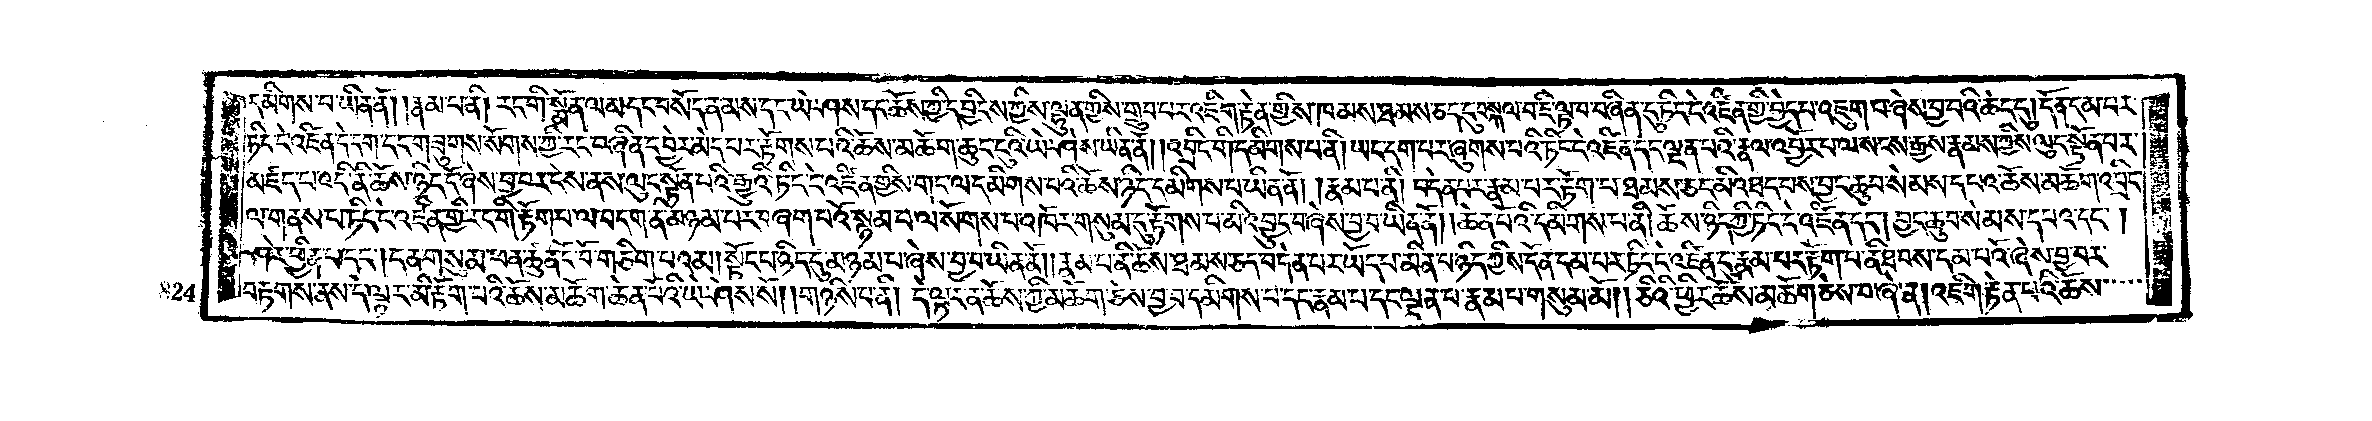དམིགས་པ་ཡིན་ནོ། །རྣམ་པ་ནི། རང་གི་སྨོན་ལམ་དང་བསོད་ནམས་དང་ཡེ་ཤེས་དང་ཆོས་ཀྱི་དབྱིངས་ཀྱིས་ལྷུན་གྱིས་གྲུབ་པར་འཇིག་རྟེན་གྱིས་ཁམས་ཐམས་ཅད་དུ་བསྐལ་བ་ཇི་ལྟ་བ་བཞིན་དུ་ཏིང་ངེ་འཛིན་གྱི་བྱེད་པ་འཇུག་པ་ཞེས་བྱ་བའི་ཆེད་དུ། དོན་དམ་པར་
ཏིང་ངེ་འཛིན་དེ་དག་དང་གཟུགས་སོགས་ཀྱི་རང་བཞིན་དབྱེར་མེད་པར་རྟོགས་པའི་ཆོས་མཆོག་ཆུང་ངུའི་ཡེ་ཤེས་ཡིན་ནོ། །འབྲིང་གི་དམིགས་པ་ནི། ཡང་དག་པར་ཞུགས་པའི་ཏིང་ངེ་འཛིན་དང་ལྡན་པའི་རྣལ་འབྱོར་པ་ལ་སངས་རྒྱས་རྣམས་ཀྱིས་ལུང་སྟོན་པར་
མཛད་པ་འདི་ནི་ཆོས་ཉིད་དོ་ཞེས་བྱ་བར་ངེས་ནས་ལུང་སྟོན་པའི་རྒྱུའི་ཏིང་ངེ་འཛིན་གྱིས་གང་ལ་དམིགས་པའི་ཆོས་ཉིད་དམིགས་པ་ཡིན་ནོ། །རྣམ་པ་ནི། བདེན་པར་རྣམ་པར་རྟོག་པ་ཐམས་ཅད་མི་འཐད་པས་བྱང་ཆུབ་སེམས་དཔའ་ཆོས་མཆོག་འབྲིང་
ལ་གནས་པ་ཏིང་ངེ་འཛིན་གྱི་རང་གི་རྟོག་པ་ལ་བདག་ནི་མཉམ་པར་བཞག་པའོ་སྙམ་པ་ལ་སོགས་པ་འཁོར་གསུམ་དུ་རྟོགས་པ་མི་འབྱུང་བ་ཞེས་བྱ་བ་ཡིན་ནོ། །ཆེན་པོའི་དམིགས་པ་ནི། ཆོས་ཉིད་ཀྱི་ཏིང་ངེ་འཛིན་དང་། བྱང་ཆུབ་སེམས་དཔའ་དང་།
ཤེར་ཕྱིན་པ་དང་། དོན་གསུམ་ཕུན་ཚུན་ངོ་བོ་གཅིག་པའམ། སྟོང་པ་ཉིད་དུ་མཉམ་པ་ཞེས་བྱ་བ་ཡིན་ནོ། །རྣམ་པ་ནི་ཆོས་ཐམས་ཅད་བདེན་པར་ཡོད་པ་མིན་པ་ཉིད་ཀྱིས་དོན་དམ་པར་ཏིང་ངེ་འཛིན་དུ་རྣམ་པར་རྟོག་པ་ནི་ཐབས་དམ་པའོ་ཞེས་བྱ་བར་
བརྟགས་ནས་དེ་ལྟར་མི་རྟོག་པའི་ཆོས་མཆོག་ཆེན་པོའི་ཡེ་ཤེས་སོ། །གཉིས་པ་ནི། དེ་ལྟར་ན་ཆོས་ཀྱི་མཆོག་ཅེས་བྱ་བ་དམིགས་པ་དང་རྣམ་པ་དང་ལྡན་པ་རྣམ་པ་གསུམ་མོ། །ཅིའི་ཕྱིར་ཆོས་མཆོག་ཅེས་བྱ་ཞེ་ན། འཇིག་རྟེན་པའི་ཆོས་